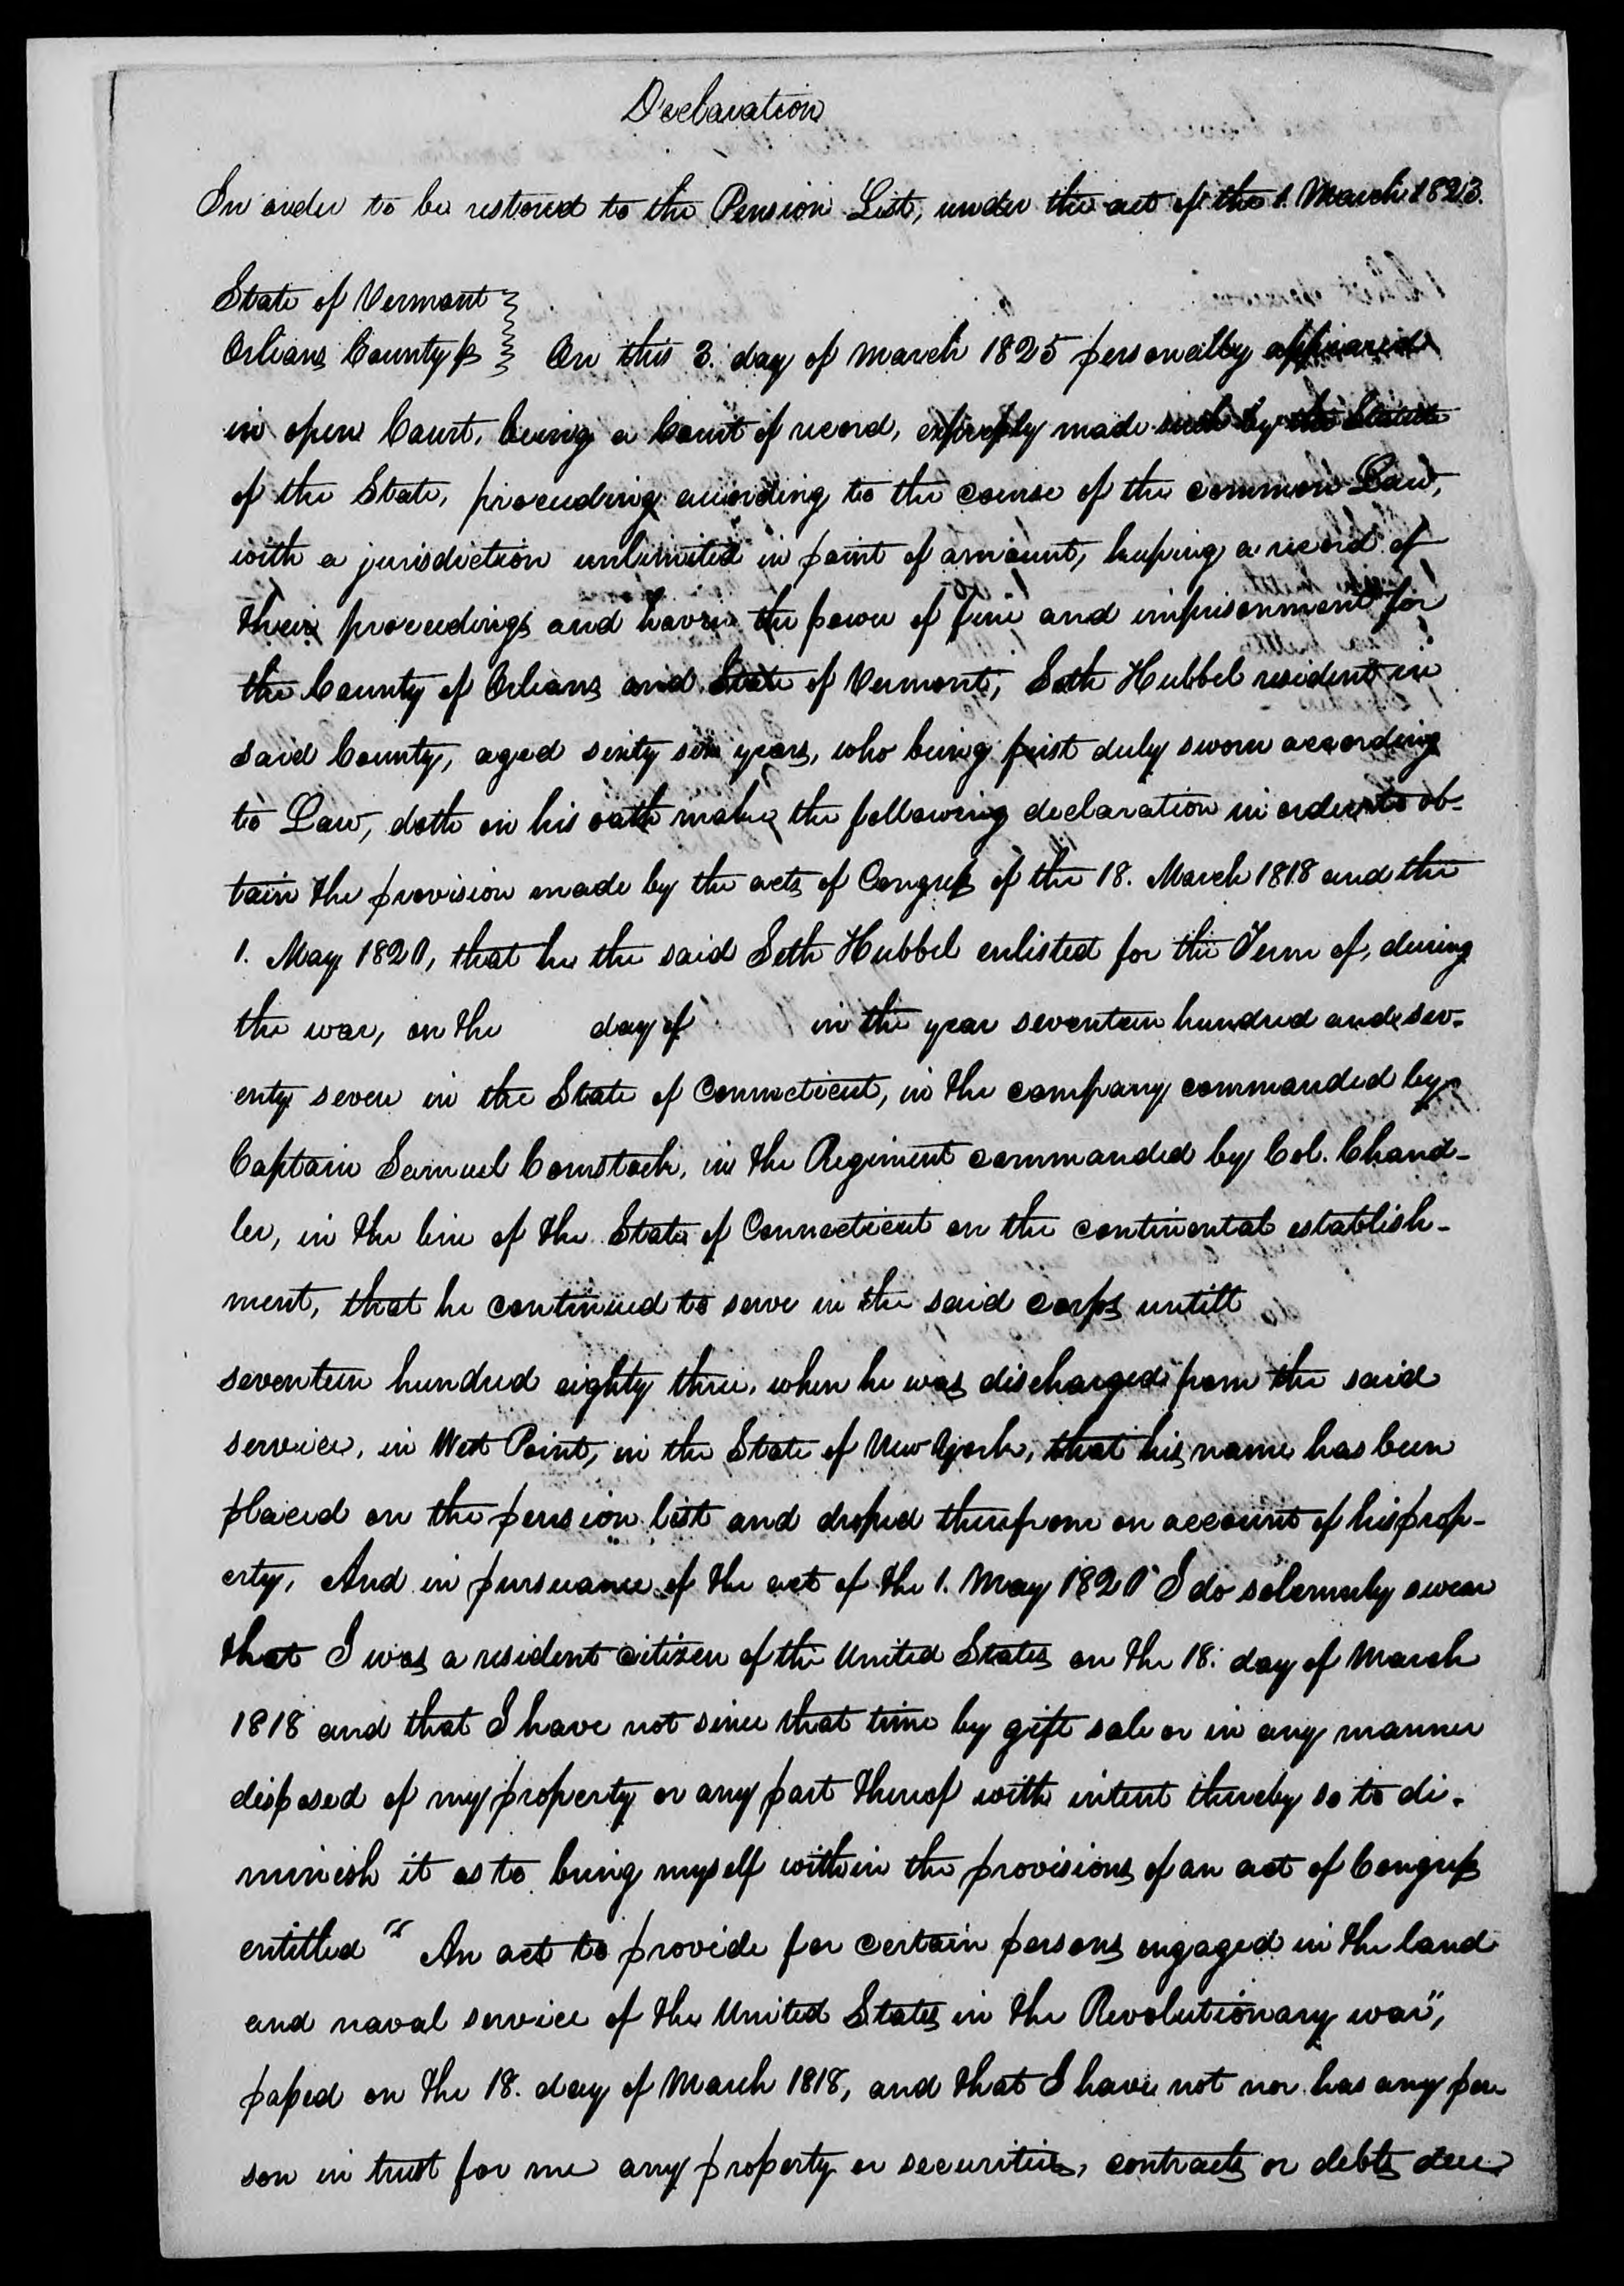[Handwritten Page]

D'eclaration
In order to be restored to the Pension List, under the act of the 1 March 1823.
State of Vermont
Orleans County [js?] On this 3 day of March 1825 personally affirmed in open Court, being a Court of record, explicitly made such by the Statute of the state, proceeding according to the course of the common Law with a jurisdiction unlimited in point of amount, keeping a record of their proceedings and having the power of fine and imprisonment for the County of Orleans and State of Vermont, Seth Hubbel resident in said County, aged sixty six years, who being first duly sworn according to Law, doth on his oath make the following declaration in order to obtain the provision made by the acts of Congress of the 18. March 1818 and the 1. May 1820, that he the said Seth Hubbel enlisted for the term of, during the war, on the  [blank space] day of [blank space] in the year seventeen hundred and seventy seven in the State of Connecticut, in the company commanded by Captain Samuel Comstock, in the Regiment commanded by Col. Chandler, in the line of the State of Connecticut on the continental establishment, that he continued to serve in the said corps untill [stet] seventeen hundred eighty three, when he was discharged from the said services, in West Point, in the State of New York, that his name has been placed on the pension list and dropped therefrom on account of his property, And in pursuance of the act of the 1. May 1820 I do solemnly swear that I was a resident citizen of the United States on the 18. day of March 1818 and that I have not since that time by gift sale or in any manner disposed of my property or any part thereof with intent thereby so to diminish it as to bring myself within the provisions of an act of Congress entitled "An act to provide for certain persons engaged in the land and naval service of the United States in the Revolutionary war," passed on the 18. day of March 1818, and that I have not nor has any person in trust for me any property or securities, contract or debts due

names: Samuel Comstock, Seth Hubbel, Chandler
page: 12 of 114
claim: widow's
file: W. 2115, Seth Hubbell, Conn.